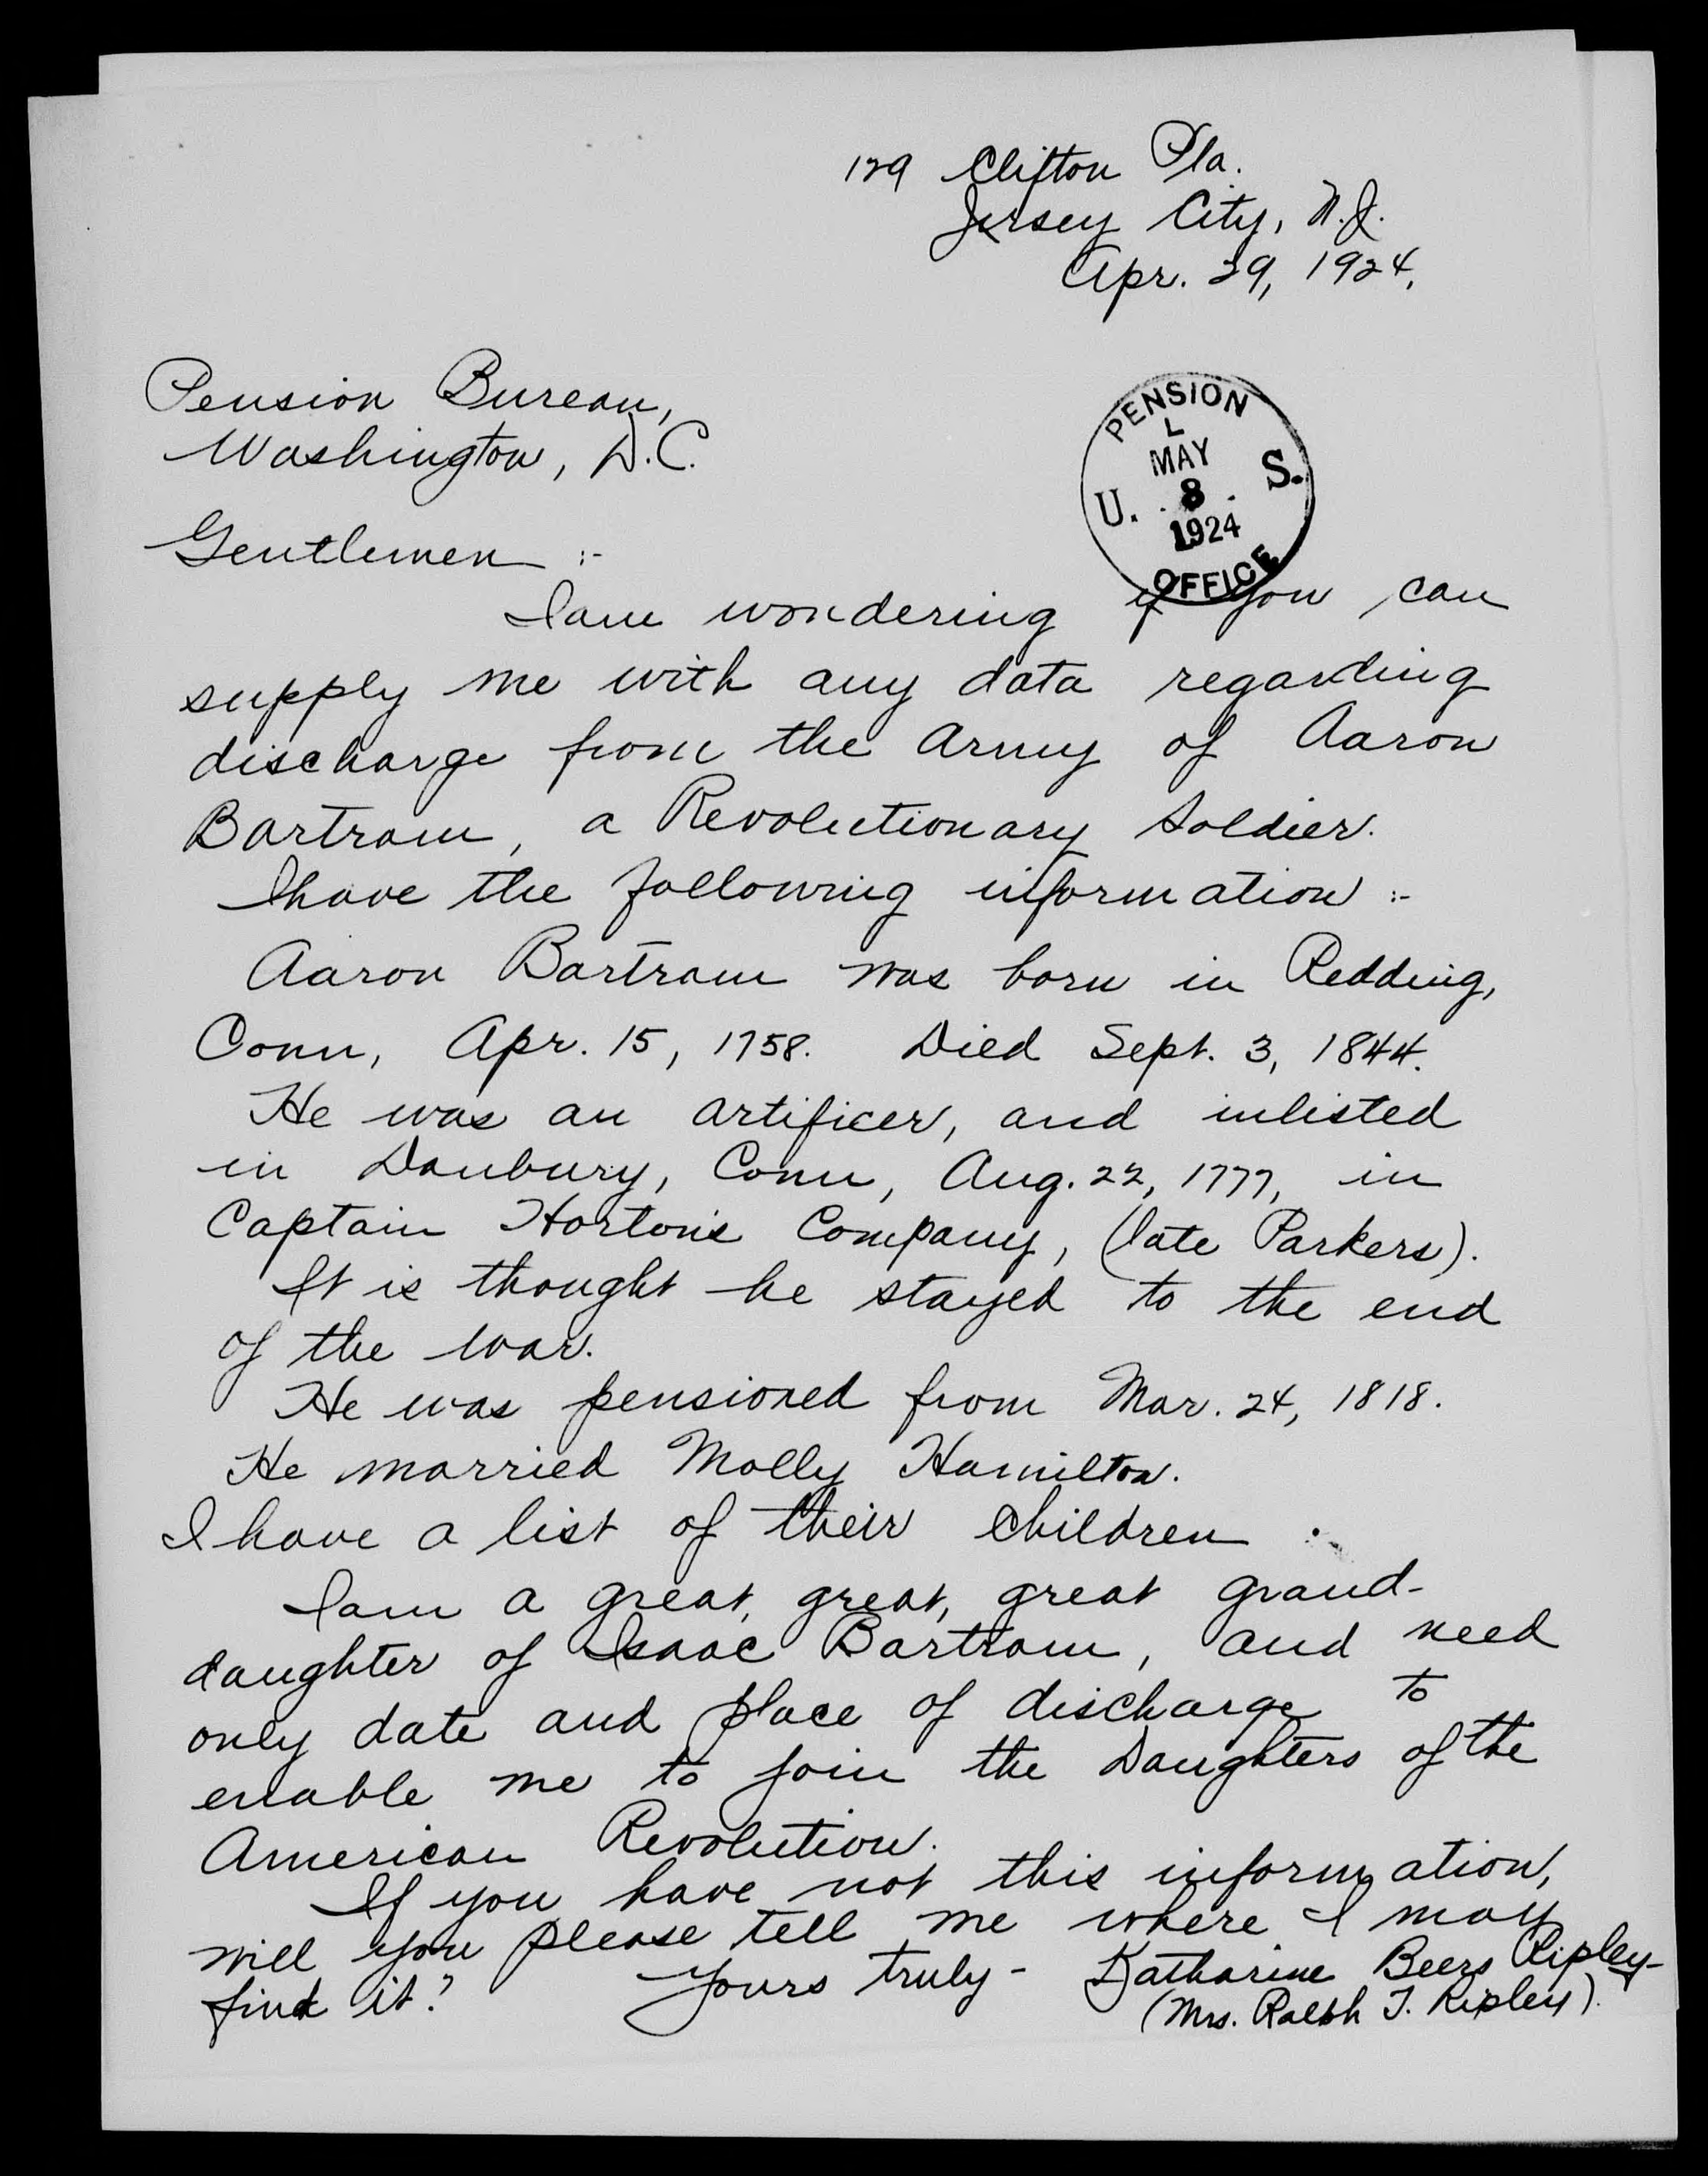129 Clifton Pla
Jersey City, N.J.
Apr. 29, 1924

[Stamped] U. S. Pension L Office
May 3, 1924

Pension Bureau,
Washington, D.C.

Gentlemen
l am wondering if You can
supply me with any data regarding
discharge from the Army of Aaron
Bartram a Revolutionary Soldier
I have the following information:
Aaron Bartram was born in Redding,
Conn, Apr. 15, 1758.  Died Sept. 3, 1844
He was an artificer, and inlisted
in Danbury, Conn, Aug. 22, 1777, in
Captain Horton's Company  (late Parkers).
It is thought he stayed to the end
of the War
He was pensioned from Mar. 24, 1818.
He married Molly Hamilton
I have a list of their children
I am a great, great, great granddaughter
of Isaac Bartram and need
only date and place of discharge to
enable me to join the Daughters of the
American Revolution
If you have not this information,
will you please tell me where I may
find it.
Yours truly

Katharine Beers Ripley
(Mrs. Ralph T. Ripley)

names: Aaron Bartram, Ralph T Ripley, Isaac Bartram, Parkers, Katharine Beers Ripley, Aaron Bartram, Molly Hamilton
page: 38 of 39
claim: survivor's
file: S. 12110, Isaac Bartram, Continental (Conn)